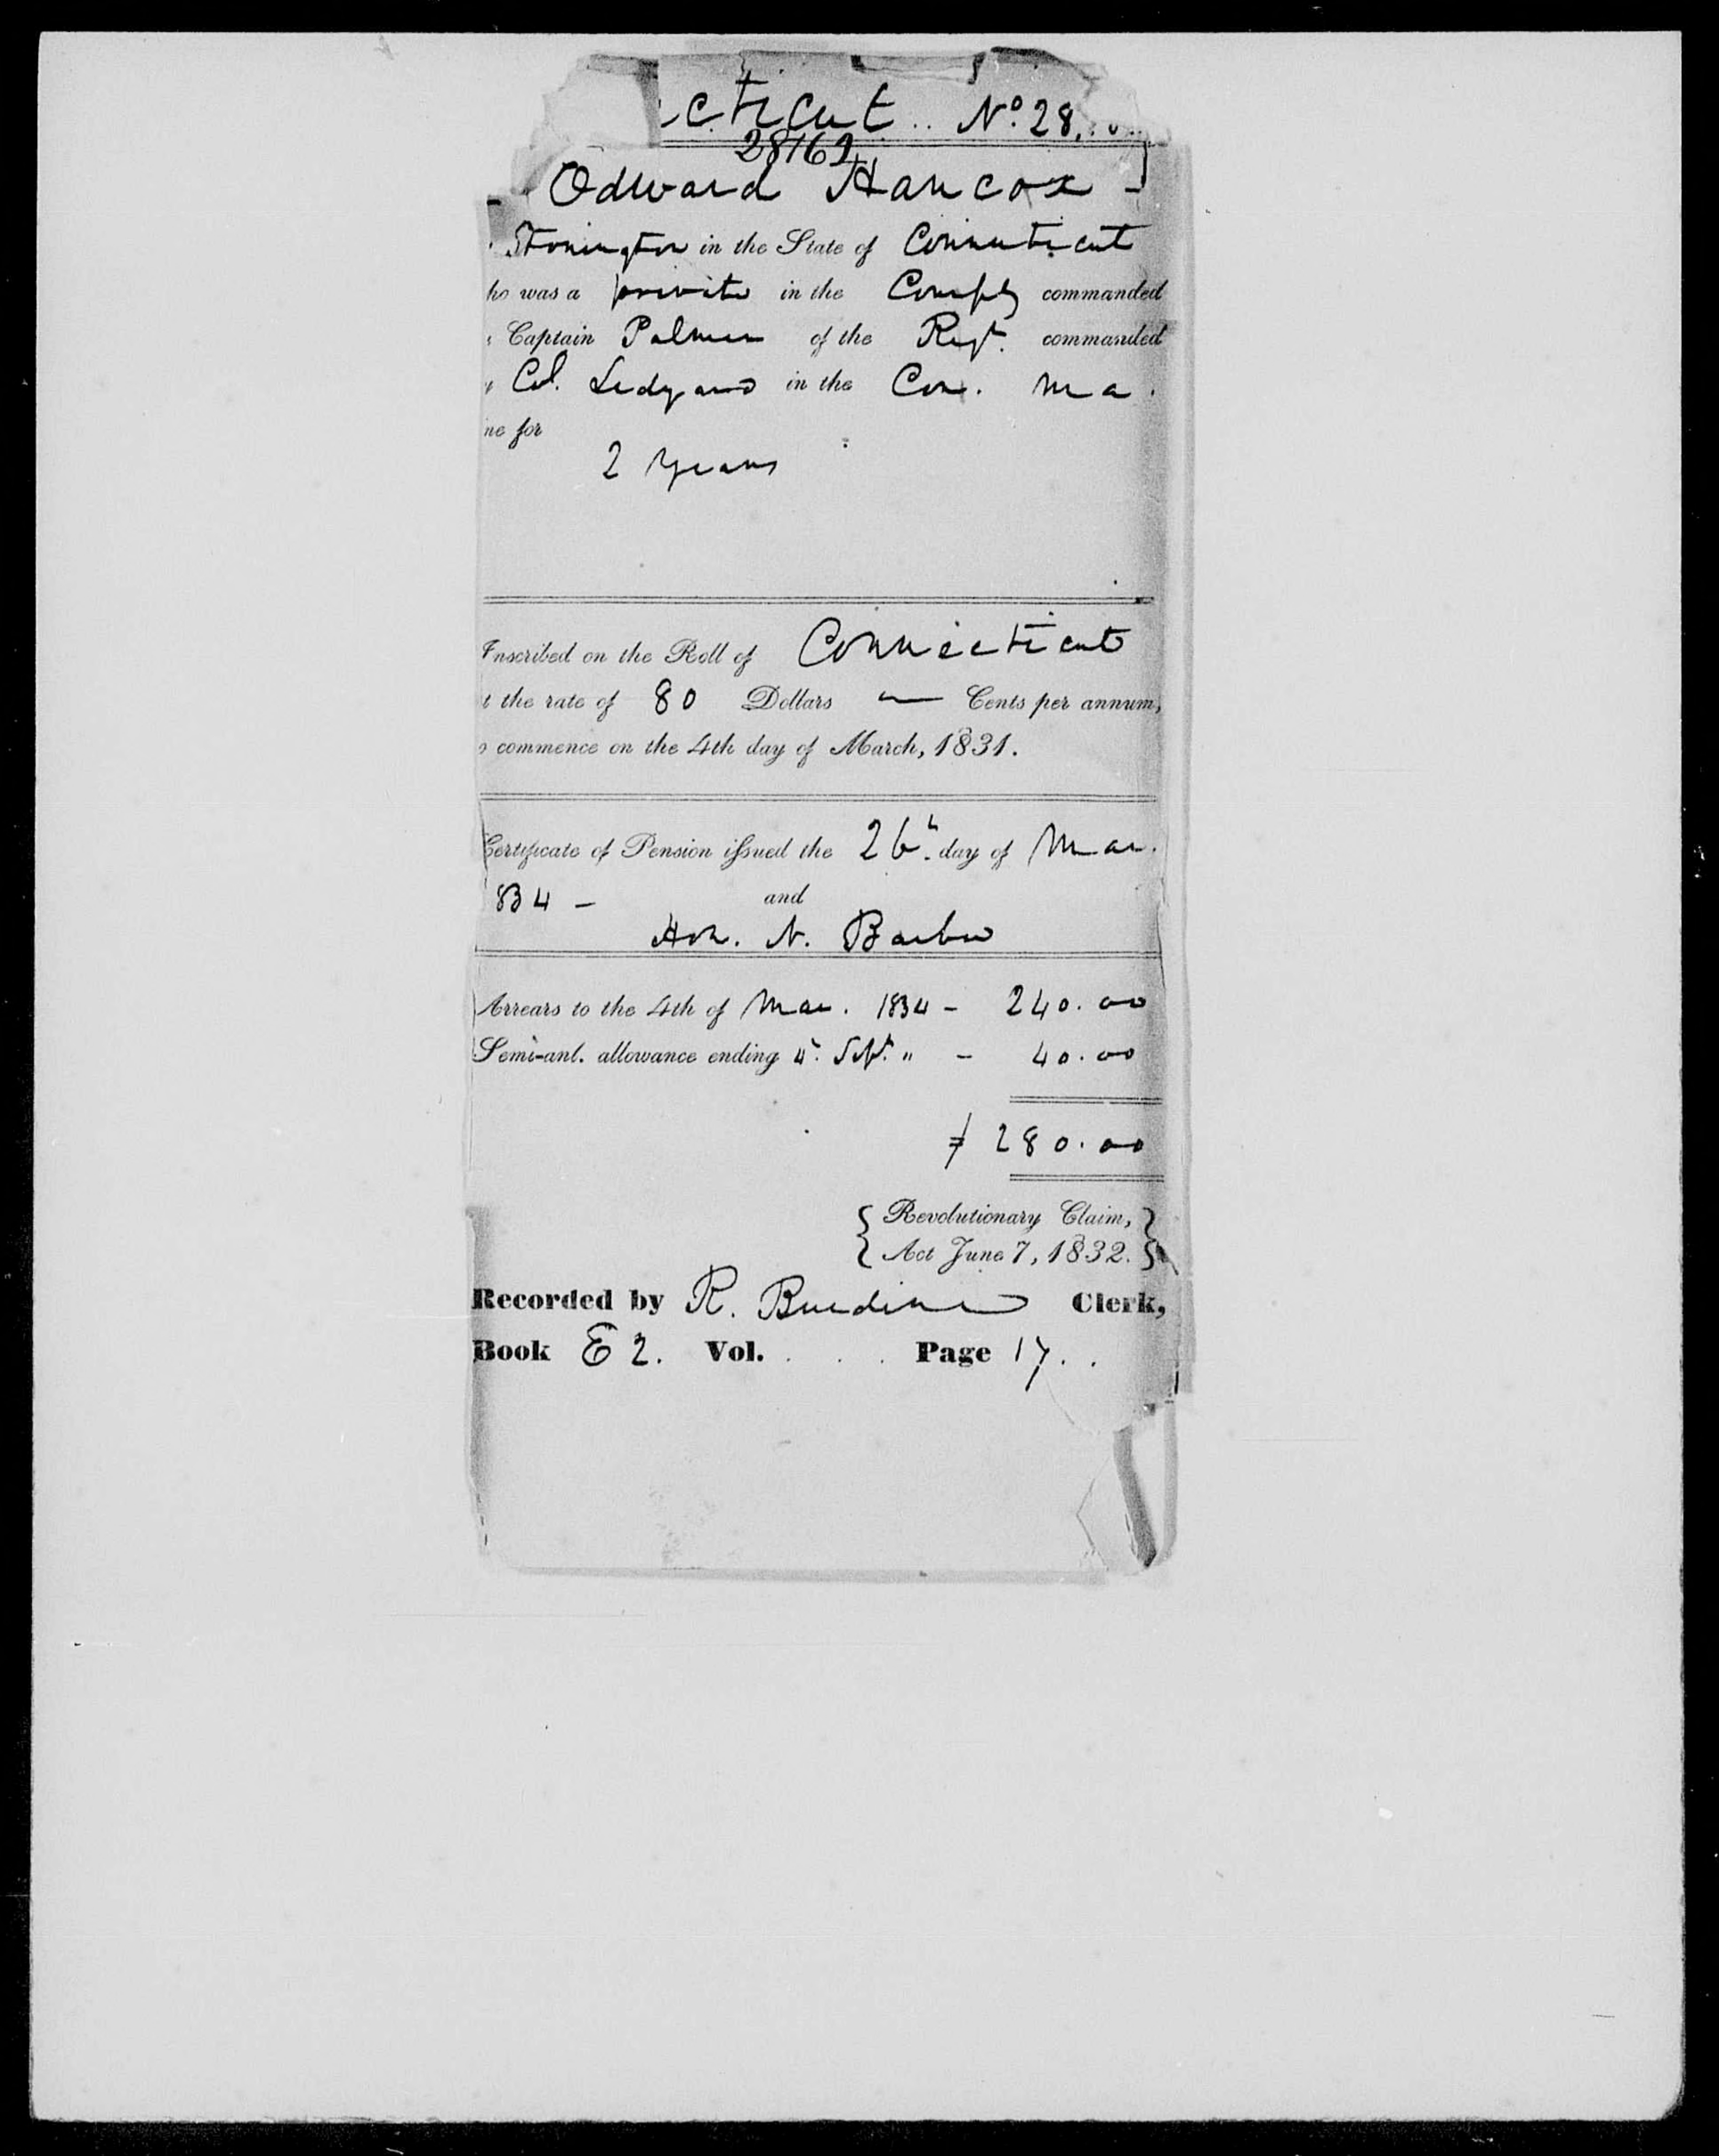Connecticut No. 28.162
28162
Edward Hancox
Stonington for the State of Connecticut who was a private in the company commanded by Captain Palmer of the Regt. commanded by Col. Ledyard in the [illegible] .[illegible] line for 2 years


In scribed on the Roll of Connecticut at the rate of 80 dollars _ cents per annum to commence on the 4th day of March, 1831

Certificate of Pension issued the 26th day of Mar. 1834 and
Hon N. Barber

Arrears to the 4th of Mar. 1834 240.00
Semi0anl. allowance ending 4th Sept 1834 40.00
$280.00

{Revolutionary Claim, Act June 7, 1832}
Recorded by R. Burdine Clerk,
Book E2 Vol.  Page 17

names: Edward Hancock, Palmer, N Barber, Ledyard, R Burdine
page: 2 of 26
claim: survivor's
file: S. 16843, Edward Hancox, Conn.